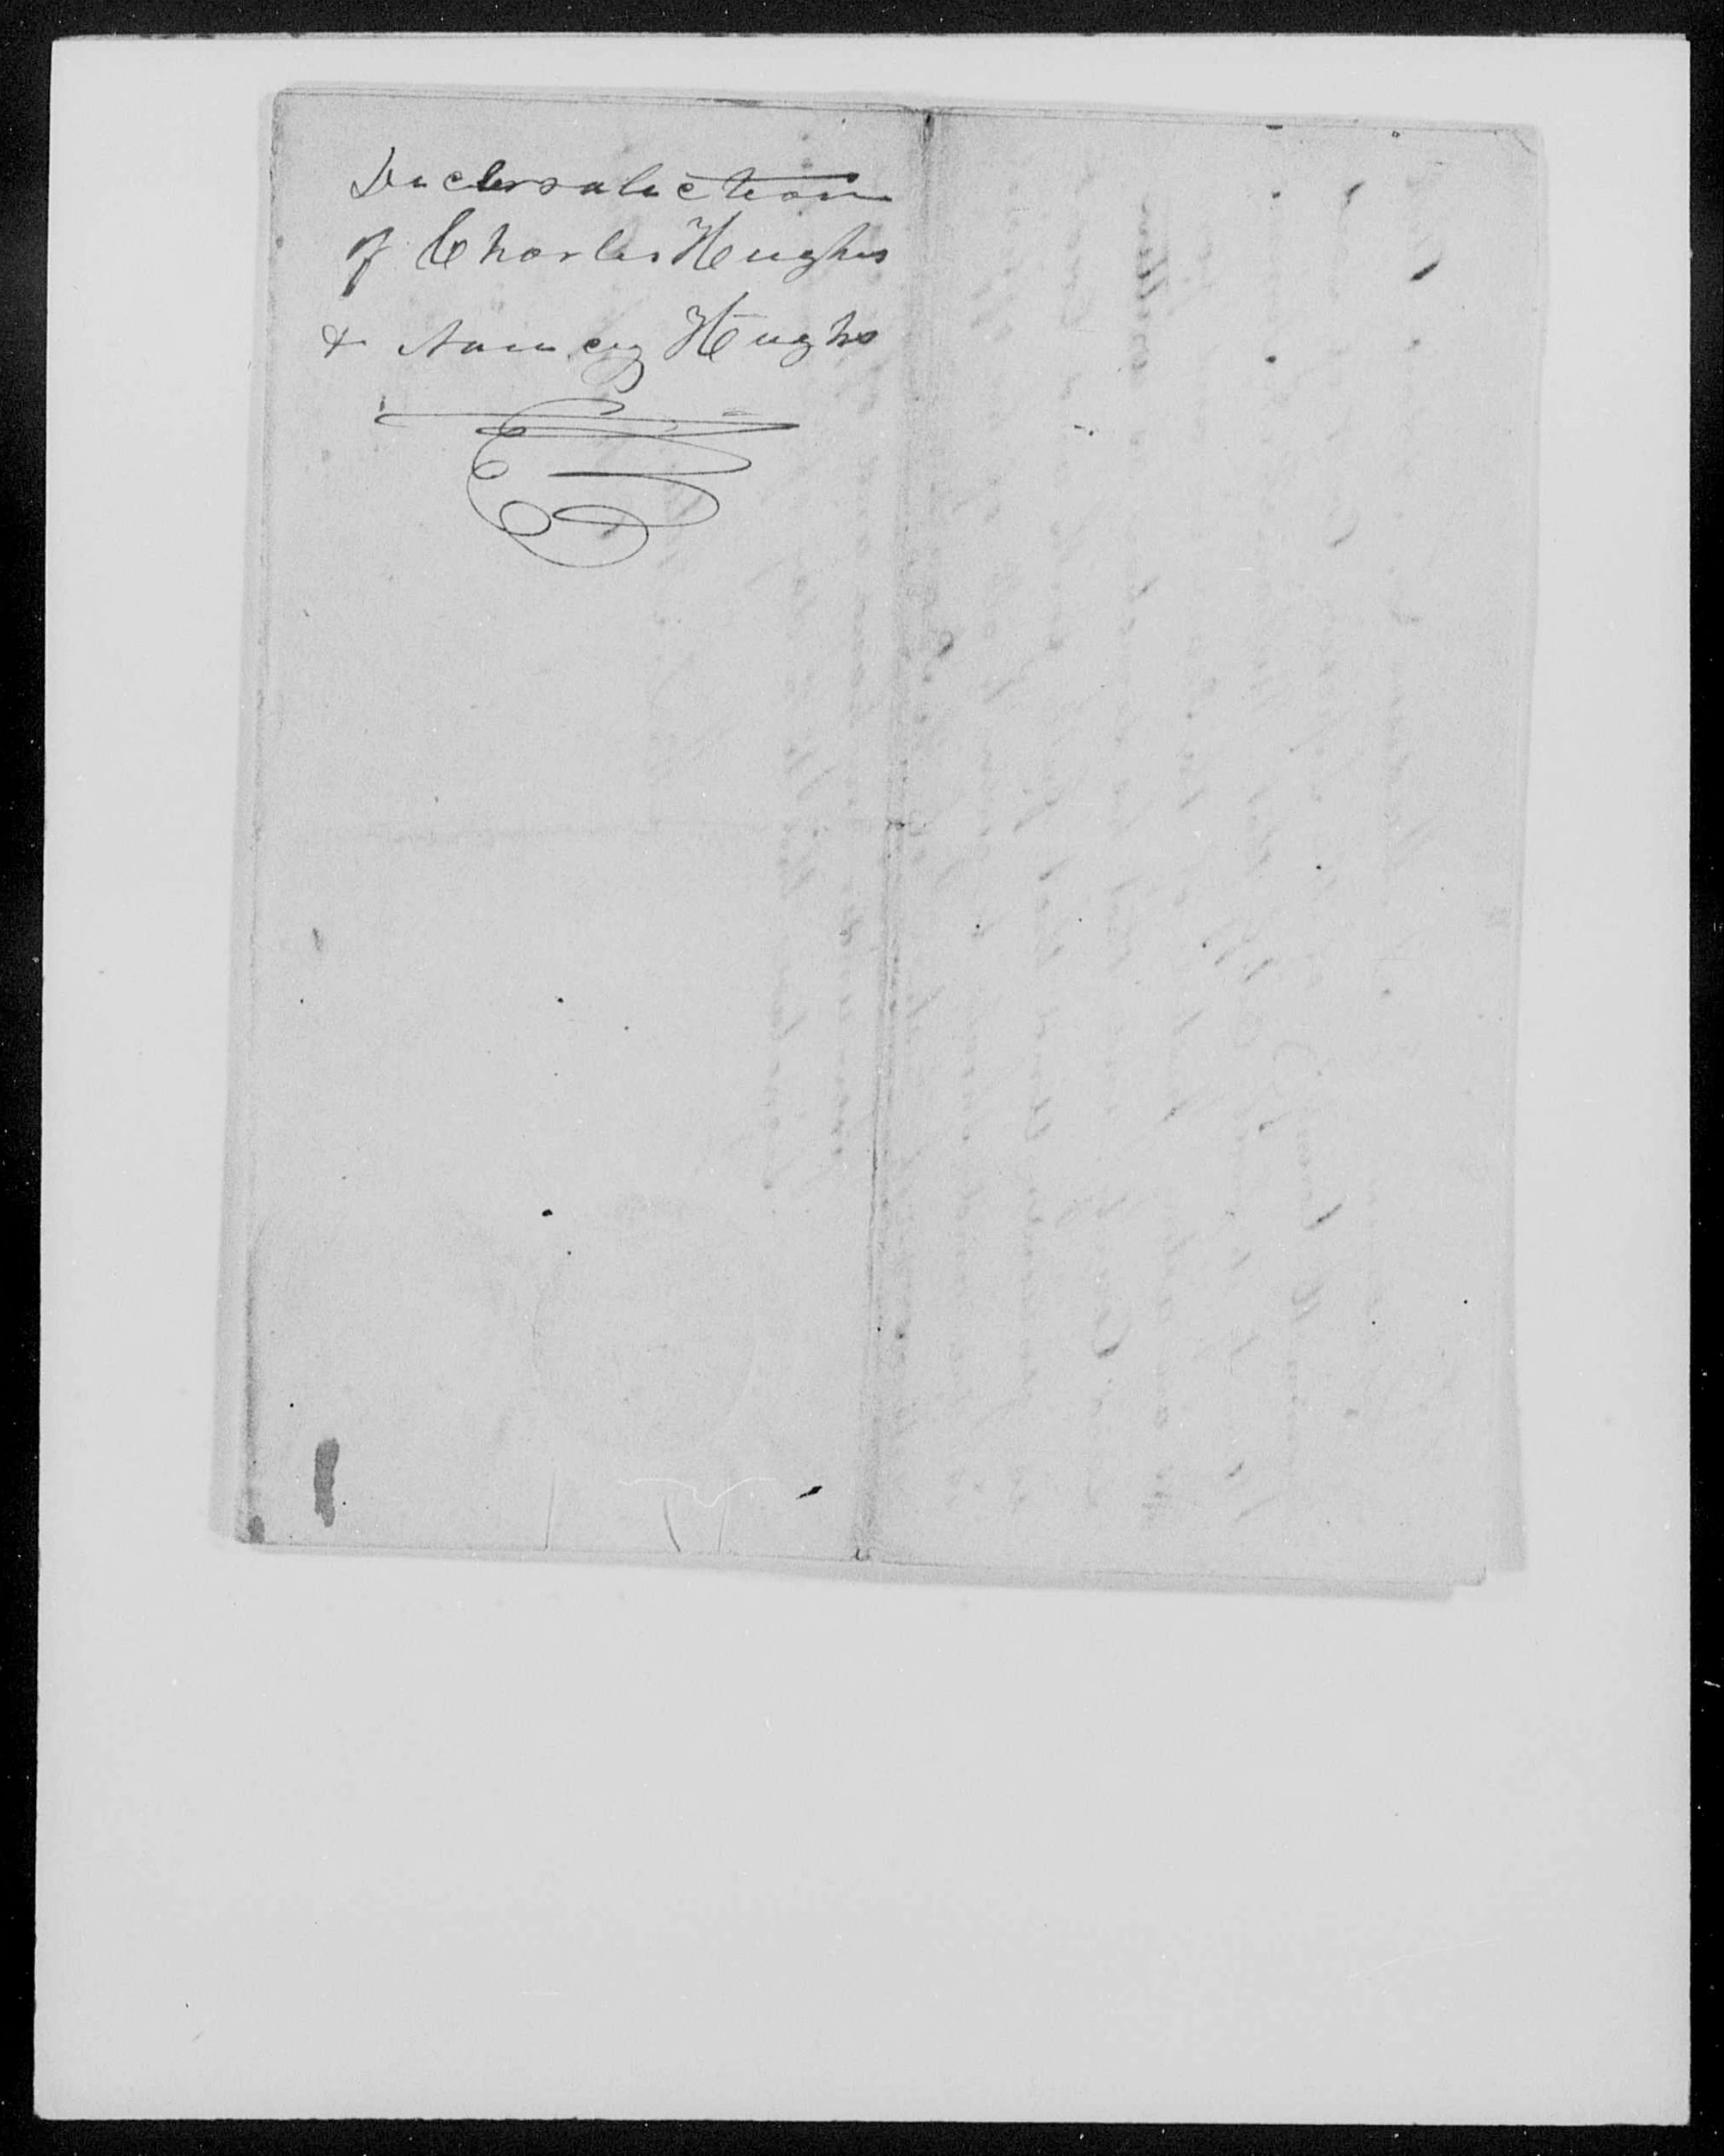In celebration of Charlie Hughes and Nancy Hughes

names: Nancy Hughs, Charles Hughes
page: 72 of 75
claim: widow's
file: W. 25805, Andrew Hughes, N.C.